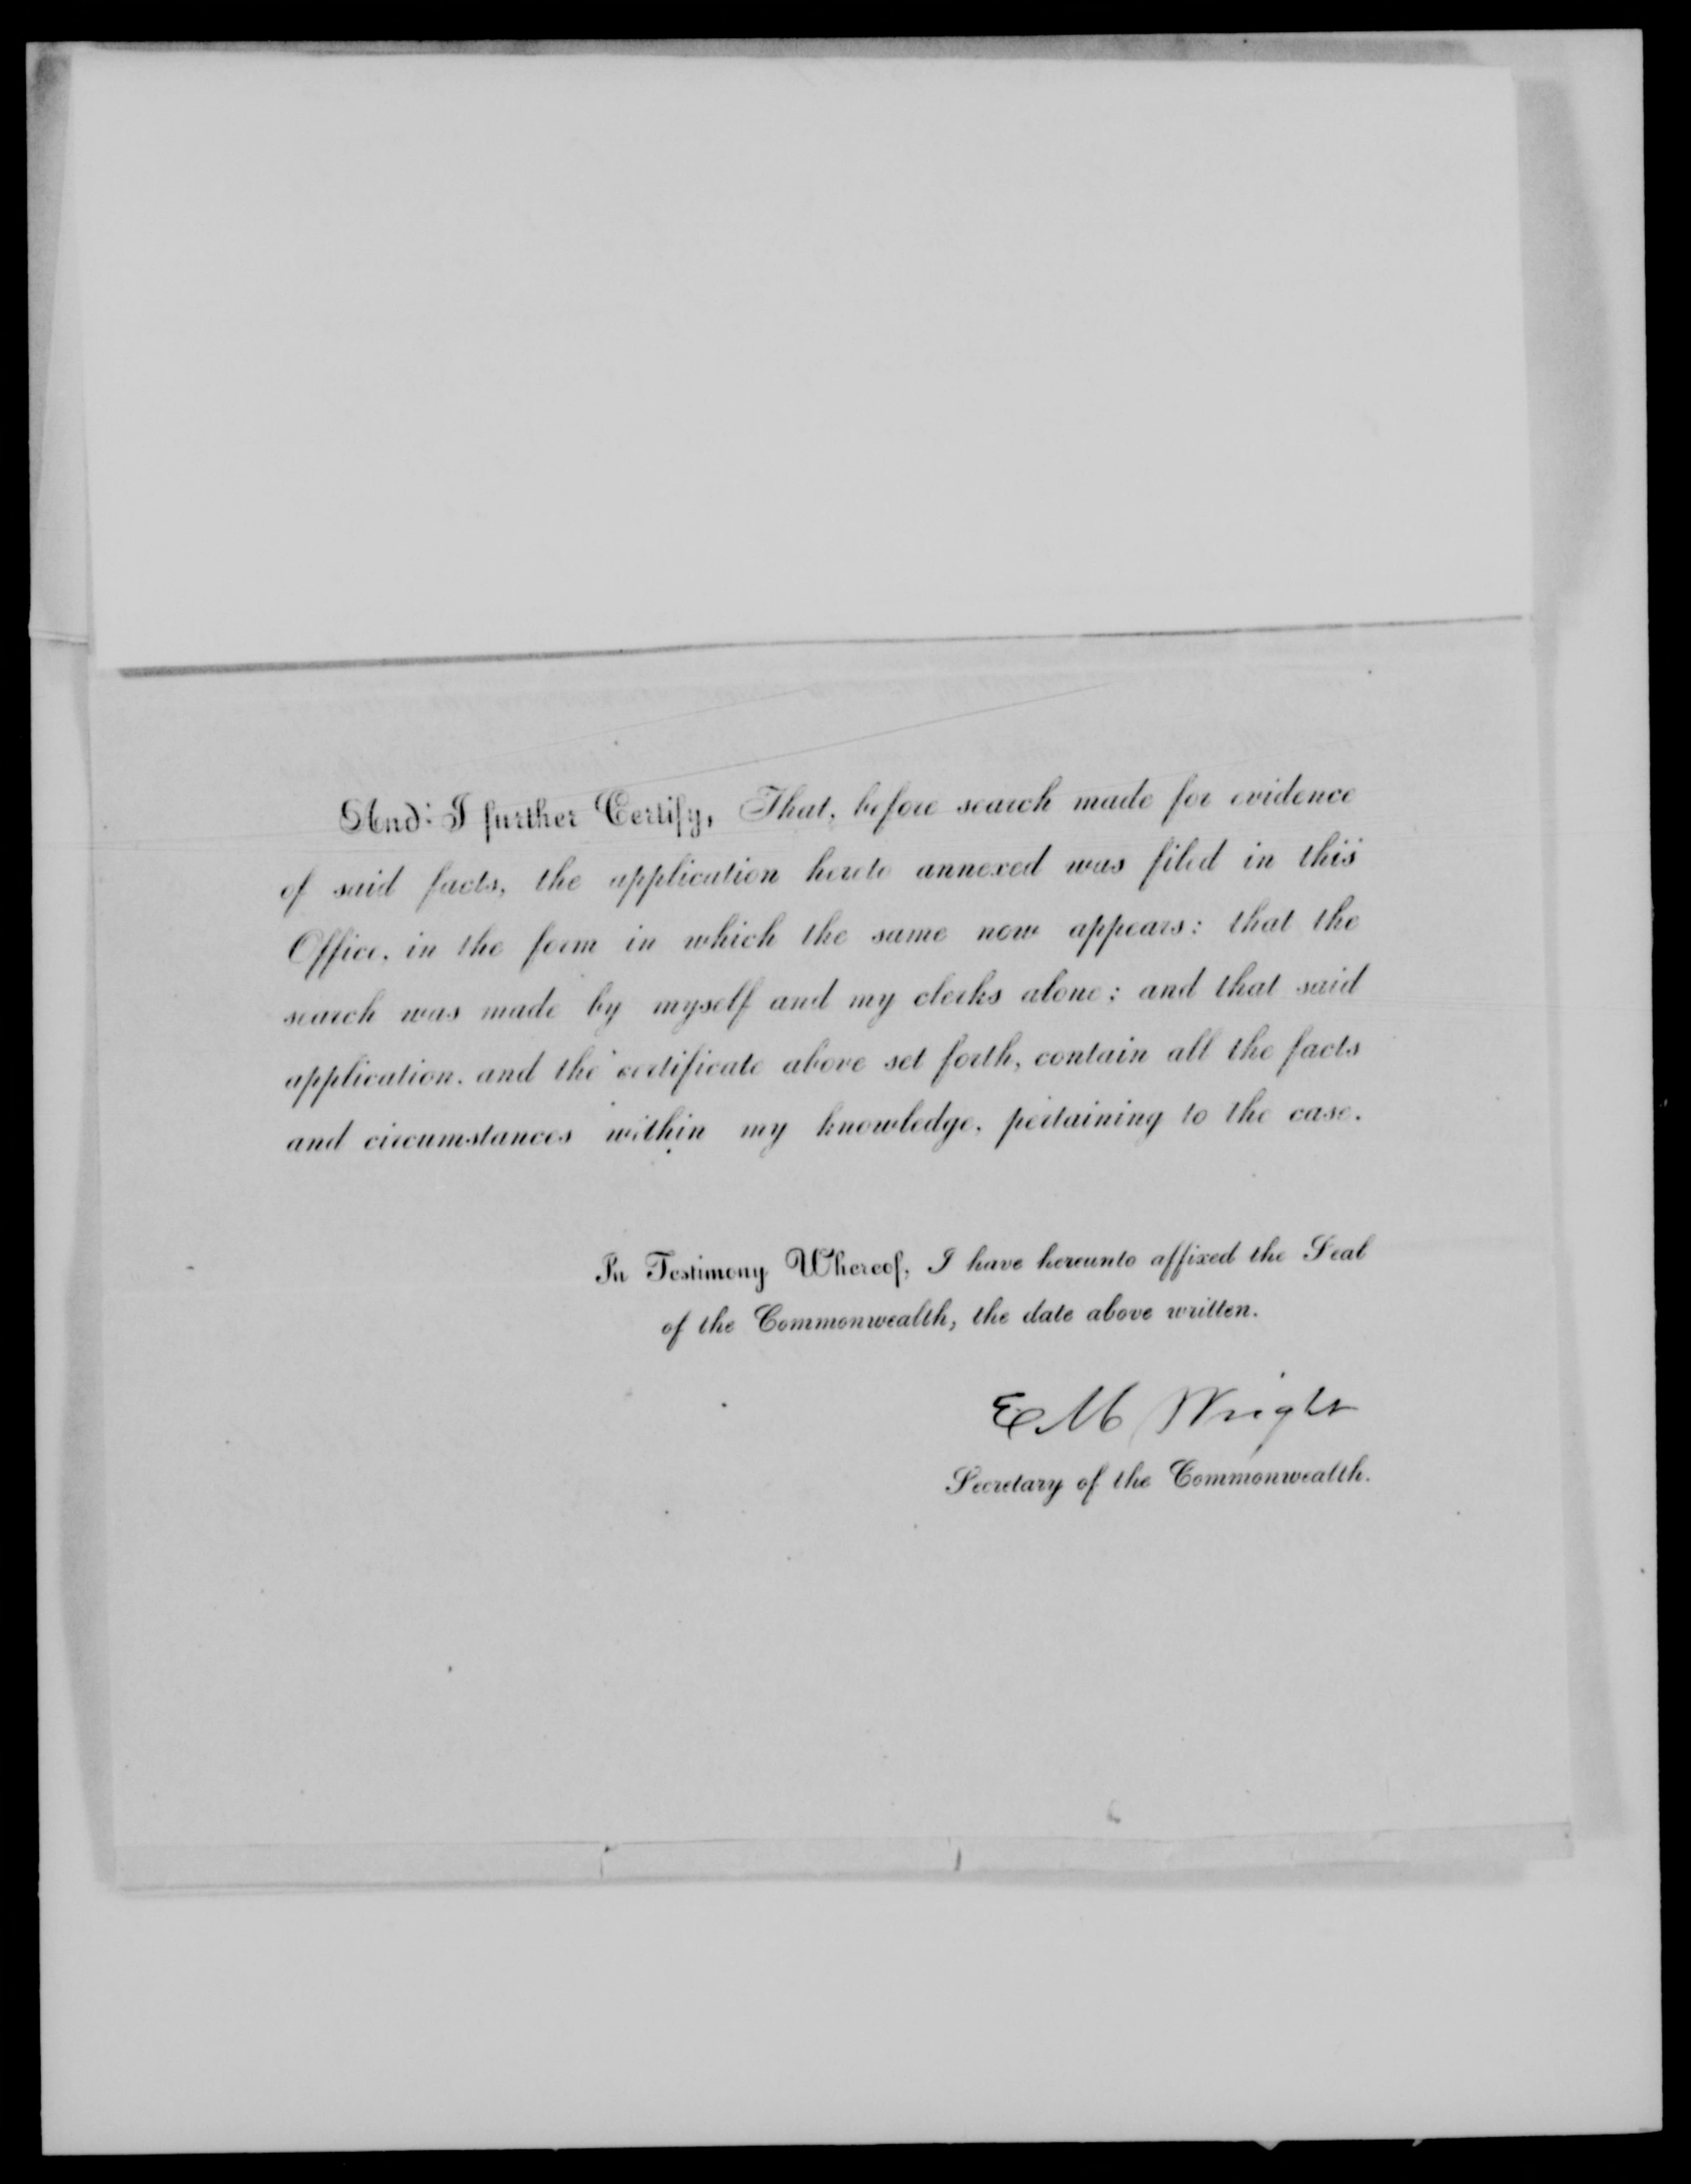And: I further Certify, That, before search made for evidence of said facts, the application hereto annexed was filed in this Office, in the form in which the same now appears: that the search was made by myself and my clerks alone: and that said application, and the certificate above set forth, contain all the facts and circumstances within my knowledge, pertaining to the case.
In Testimony Whereof, I have hereunto affixed the Seal of the Commonwealth, the date above written.
E M Wright
Secretary of the Commonwealth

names: E M Wright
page: 63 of 64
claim: widow's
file: W. 5831, Edmund Town, Mass.